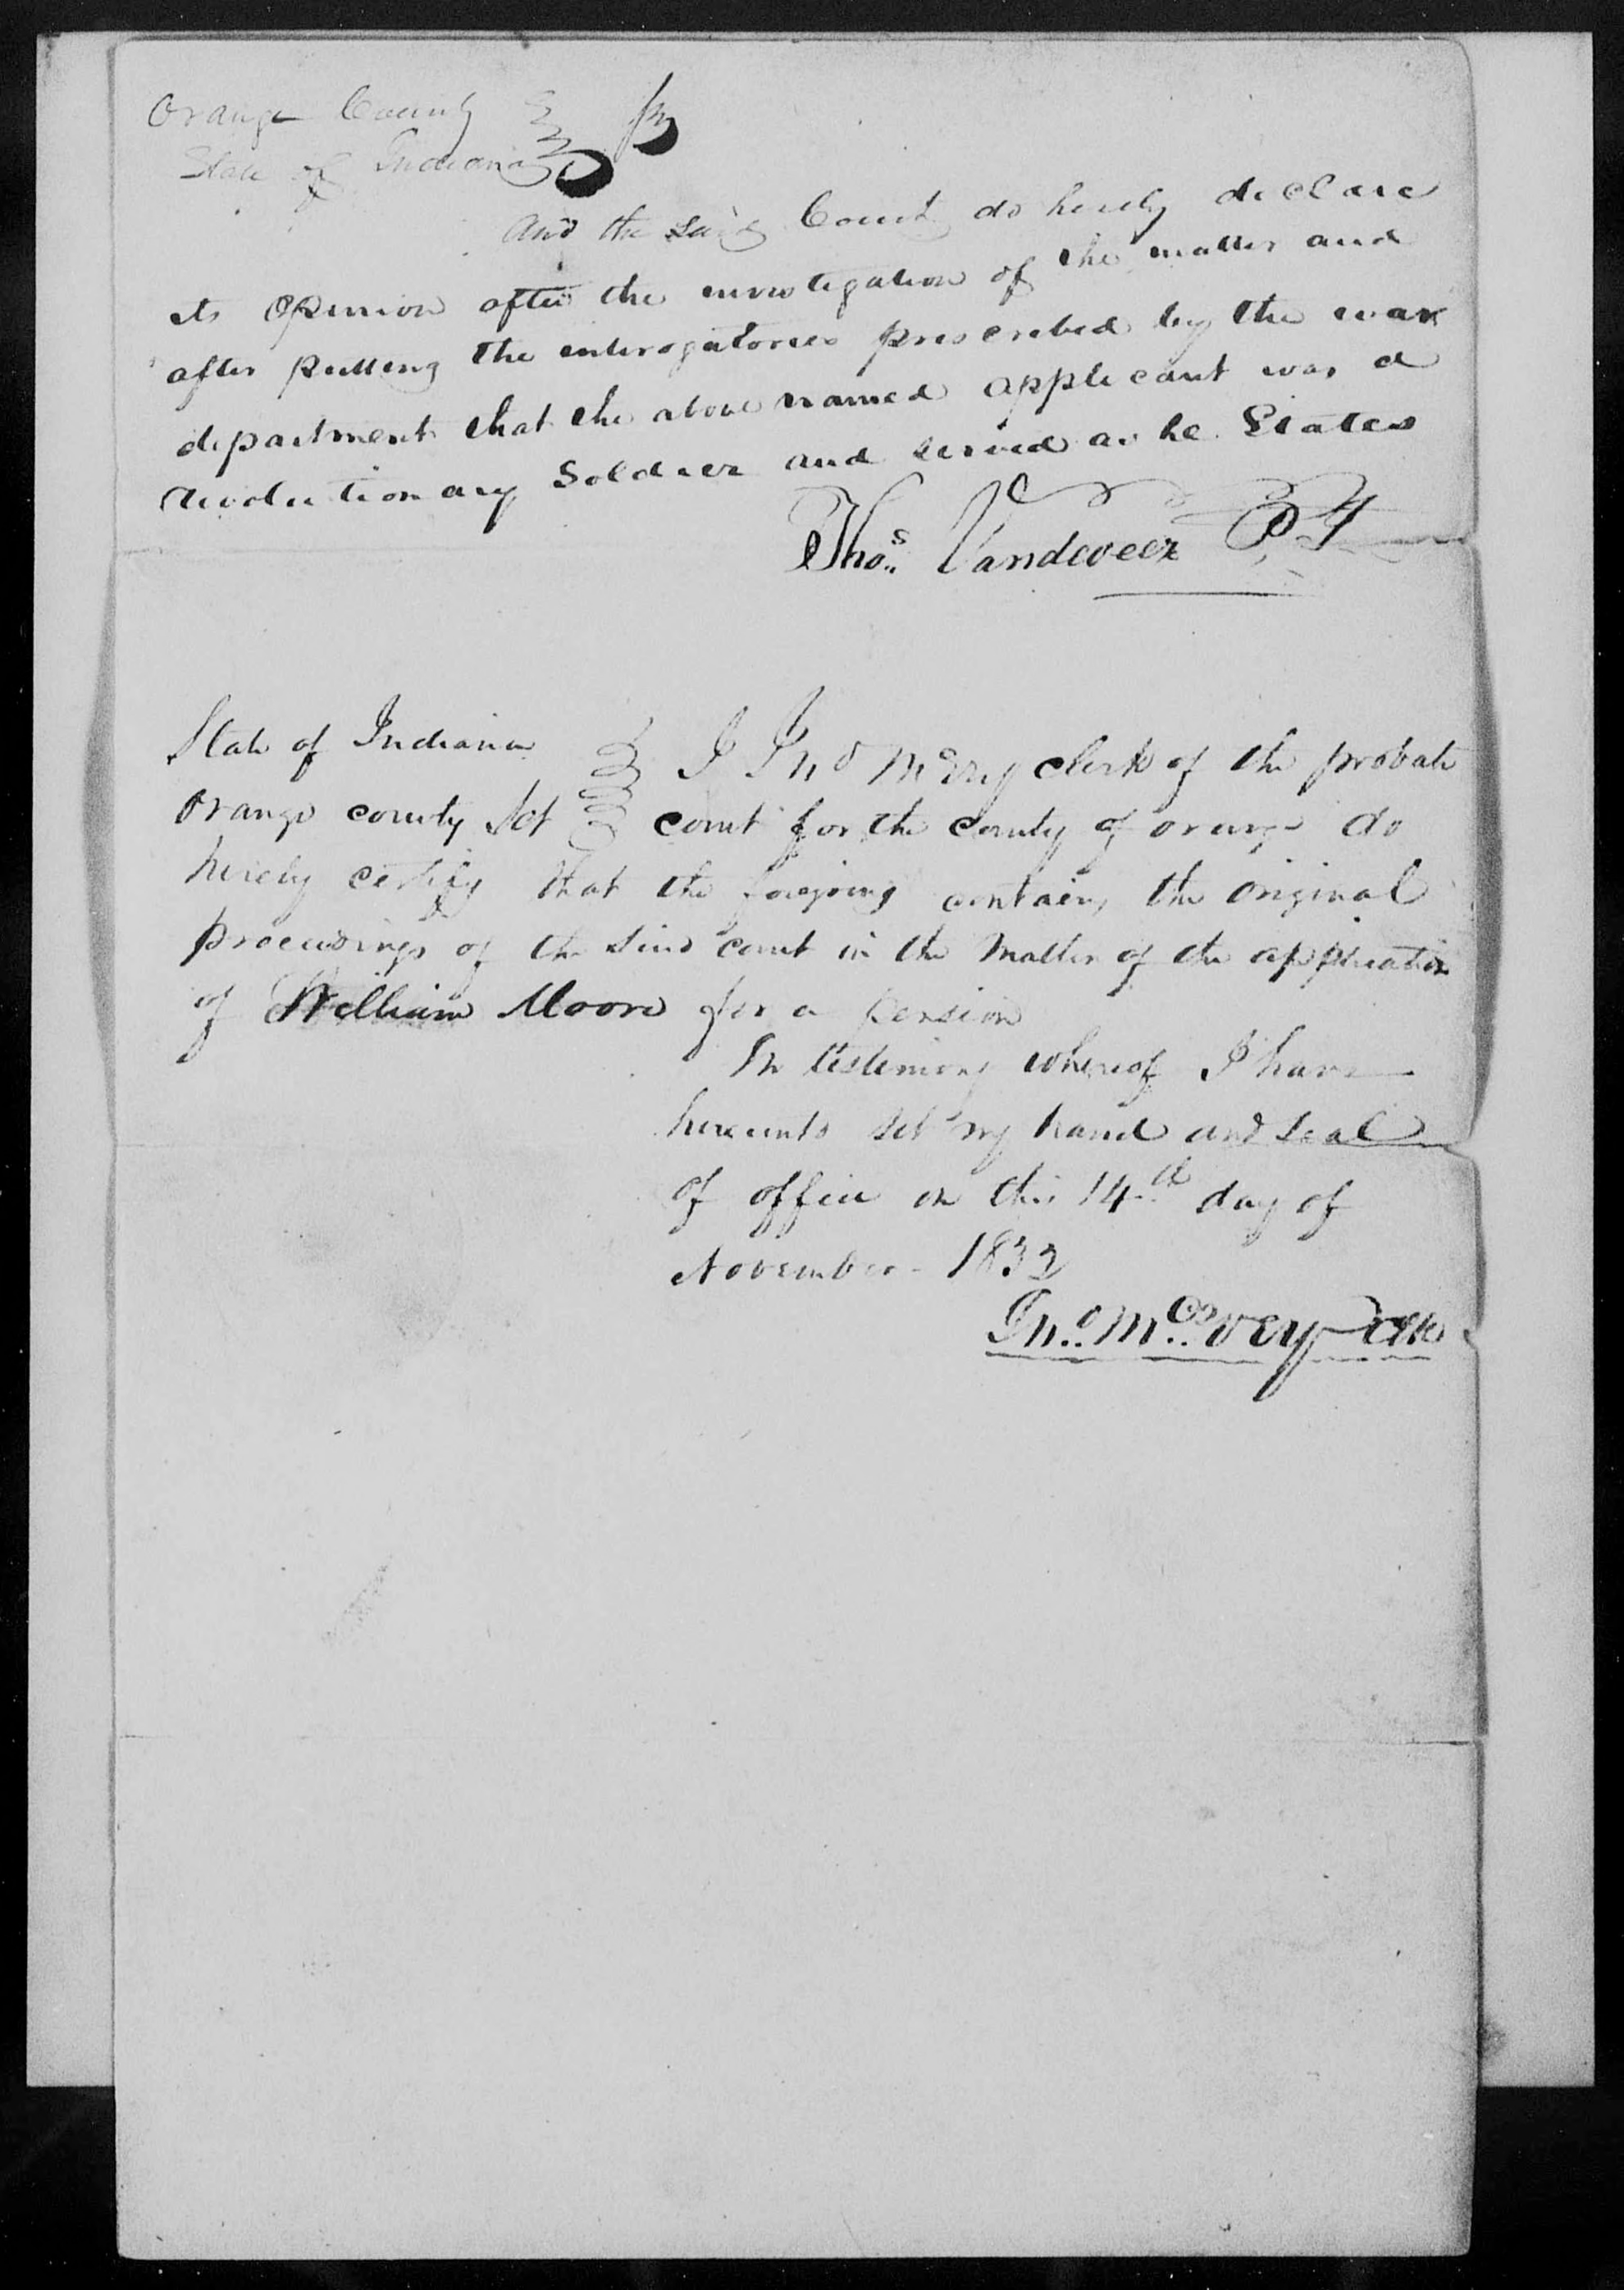Orange County
State of Indiana
     And the said County do hereby declare its opinion after the investigation of the matter and after putting the interrogatories presented by the war department that the above named applicant was a revolutionary soldier and served as he states.
                 Thos. Vandeveer JP

State of Indiana
Orange County Sct
     I Jno McVey Clerk of the probate court for the county of orange do hereby certify that the foregoing contains the original proceedings of the said court in the matter of the application of William Moore for a pension.
     In testimony whereof I have hereunto set my hand and seal of office on this 14th day of November 1832.
              Jno. McVey Clk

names: Thos Vandeveer; William Moore; Jno Mc Vey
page: 6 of 16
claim: survivor's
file: S. 17,592, for William Moore, North Carolina